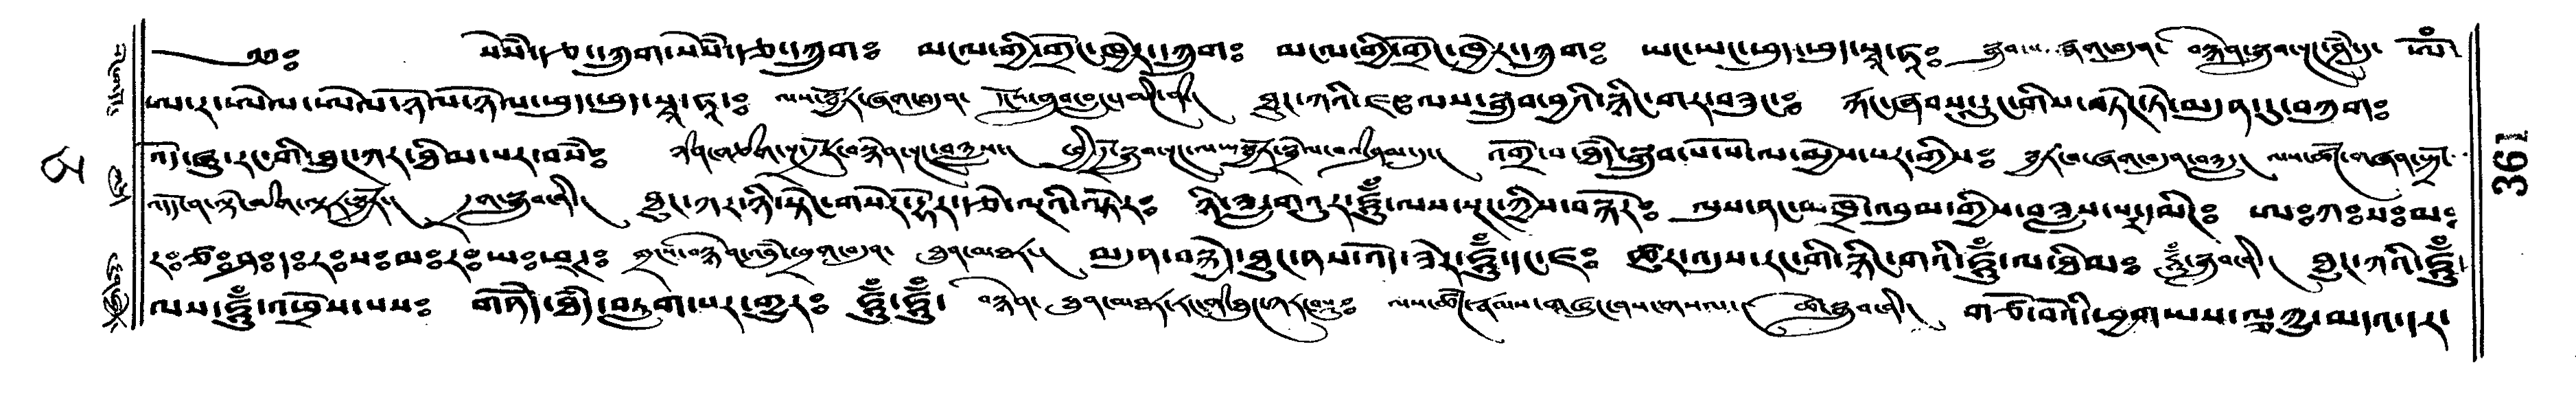སེམས་རྩ་དཀྲུག་སེམས་རྩ་དཀྲུག༔ མངལ་གྱི་གྲོང་ཁྱེར་དཀྲུག༔ མངལ་གྱི་གྲོང་ཁྱེར་དཀྲུག༔ ཡང་ཡང་ཕུད་ཕུད་སྭ་ཧཱཿ སྒྲུབ་པ་ཞག་བདུན། བསྙེན་སྒྲུབ་སྔགས་ཤམ་དུ། ཨོཾ་
ཨ་ར་ཨེལ་ཨེལ་ཉོལ་ཉོལ་ཕུད་ཕུད་སྭ་ཧཱ༔ ལས་སྦྱོར་ཞག་བདུན་དངོས་གྲུབ་བླང་དམིགས་ནི། ཐུགས་ཀའི་ཛཿལས་སྒྲུབ་བྱའི་སྙིང་གར་བཟུང༔ རྐང་ཞབས་རླུང་གིས་བཏེགས་ཏེ་མདུན་དུ་བཀུགཿ 
འོད་ཞུ་རང་གི་ཐུགས་ཀར་ཐིམ་པར་བསམཿ ཉིན་གཅིག་སྔ་དྲོར་བསྙེན་སྔགས་བཟླས། ཕྱི་དྲོ་སྒྲུབ་སྔགས་ལས་སྦྱོར་སྦྲེལ་བའི་ཤམ་དུ།འགྲོ་བ་ཐམས་ཅད་སྒྲུབ་པ་པོ་ལ་མྱོས་པར་གྱིས༔ སྦྱར་བ་ཞག་བདུན་བཟླ། ལས་ཚོགས་གཞན་སྤྲོ་
འདོད་ན་ལྡེ་མིག་ལྟར་སྦྱོར། དྲག་སྒྲུབ་ནི། ཐུགས་ཀར་ཉི་སྟེང་གསེར་རྡོར་རྩེ་ལྔའི་ལྟེར༔ ཉི་ཟླའི་གའུར་ཧཱུྃ་ལས་སྔགས་ཀྱིས་བསྐོར༔ ལུས་ནང་མཁའ་འགྲོ་འབུམ་གྱིས་བཟླས་པར་དམིགས༔ ཨཿཀཿསཿམཿ
རཿཙཿཤཿདཿརཿསཿམཿརཿཡཿཕཱཊཿ གྲངས་བསྙེན་འབུམ་ཕྲག་བདུན། ཐུན་མཐར། མདུན་བསྐྱེད་ཐུགས་ནས་འོད་ཟེར་ཧཱུྃ་དང་ཛ༔ ཚུར་འདུས་རང་གི་སྙིང་གའི་ཧཱུྃ་ལ་ཐིམ༔ ཧཱུྃ་སྒྲུབ་ནི། ཐུགས་ཀའི་ཧཱུྃ་
ལས་ཧཱུྃ་འཕྲོས་པས༔ གནོད་བྱེད་ཐམས་ཅད་བརླག་པར་གྱུར༔ ཧཱུྃ་ཧཱུྃ༔ བསྙེན། ཐུན་མཐར་རང་གི་ཐུགས་ཀར་བསྡུ། ལས་ཚོགས་རྣམས་གཞུང་ནས་གསལ། ཚེ་སྒྲུབ་ནི། གཙོ་བོའི་ཕྱག་གཡས་ལྕགས་ཀྱུ་མདའ་དར་